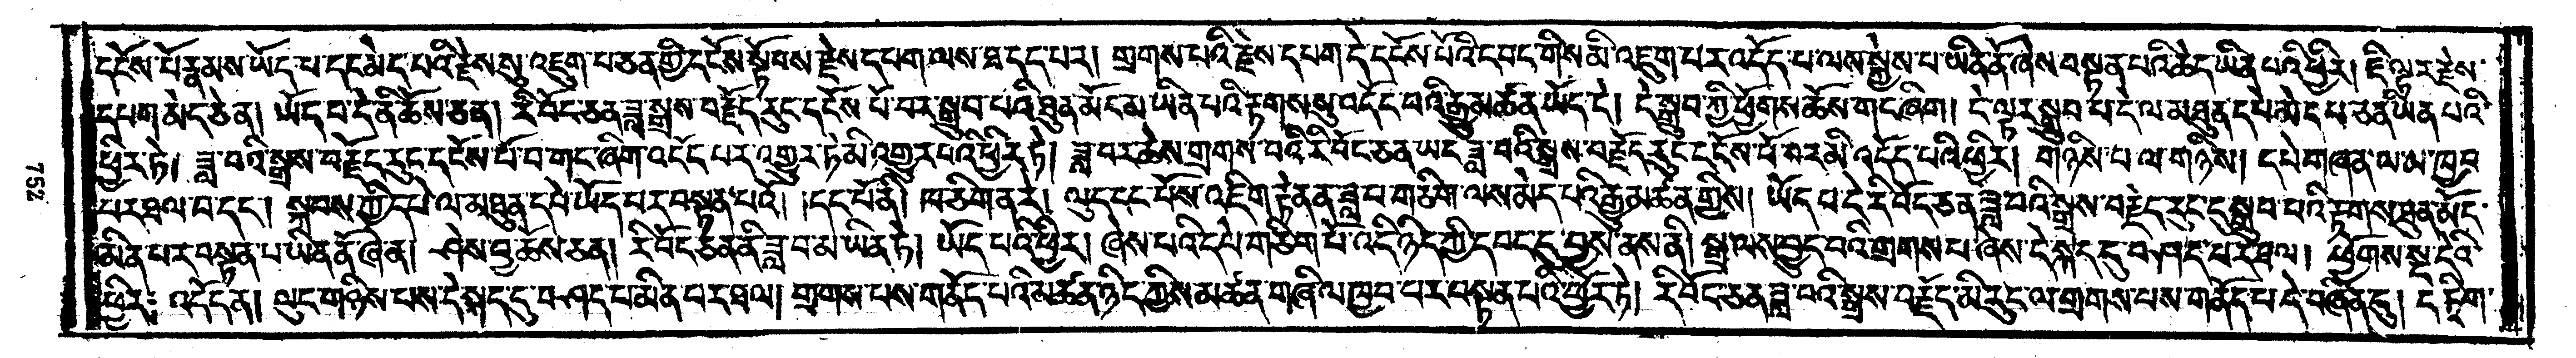དངོས་པོ་རྣམས་ཡོད་པ་དང་མེད་པའི་རྗེས་སུ་འཇུག་པ་ཅན་གྱི་དངོས་སྟོབས་རྗེས་དཔག་ལས་ཐ་དད་པར། གྲགས་པའི་རྗེས་དཔག་དེ་དངོས་པོའི་དབང་གིས་མི་འཇུག་པར་འདོད་པ་ལས་སྐྱེས་པ་ཡིན་ནོ་ཞེས་བསྟན་པའི་ཆེད་ཡིན་པའི་ཕྱིར། ཇི་ལྟར་རྗེས་
དཔག་མེད་ཅེ་ན། ཡོད་བ་དེ་ནི་ཆོས་ཅན། རི་བོང་ཅན་ཟླ་སྒྲས་བརྗོད་རུང་དངོས་པོ་བར་སྒྲུབ་པའི་ཐུན་མོང་མ་ཡིན་པའི་རྟགས་སུ་འདོད་པའི་རྒྱུ་མཚན་ཡོད་དེ། དེ་སྒྲུབ་ཀྱི་ཕྱོགས་ཆོས་གང་ཞིག། དེ་ལྟར་སྒྲུབ་པ་དེ་ལ་མཐུན་དཔེ་མེད་པ་ཅན་ཡིན་པའི་
ཕྱིར་ཏེ། ཟླ་བའི་སྒྲས་བརྗོད་རུང་དངོས་པོ་བ་གང་ཞིག་འདོད་པར་འགྱུར་ཏེ་མི་འགྱུར་པའི་ཕྱིར་ཏེ། ཟླ་བར་ཆེས་གྲགས་པའི་རི་བོང་ཅན་ཡང་ཟླ་བའི་སྒྲས་བརྗོད་རུང་དངོས་པོ་བར་མི་འདོད་པའི་ཕྱིར། གཉིས་པ་ལ་གཉིས། དཔེ་གཞན་ལ་མ་ཁྱབ་
པར་ཐལ་བ་དང་། སྐབས་ཀྱི་དཔེ་ལ་མཐུན་དཔེ་ཡོད་པར་བསྟན་པའོ། །དང་པོ་ནི། ཁ་ཅིག་ན་རེ། ལུད་དང་པོས་འཇིག་རྟེན་ན་ཟླ་བ་གཅིག་ལས་མེད་པའི་རྒྱུ་མཚན་གྱིས། ཡོད་བ་དེ་རི་བོད་ཅན་ཟླ་བའི་སྒྲས་བརྗེད་རུང་དུ་སྒྲུབ་པའི་རྟགས་ཐུན་མོང་
མིན་པར་བསྟན་པ་ཡིན་ནོ་ཞེ་ན། ཤེས་བྱ་ཆོས་ཅན། རི་བོང་ཅན་ནི་ཟླ་བ་མ་ཡིན་ཏེ། ཡོད་པའི་ཕྱིར། ཞེས་པའི་དཔེ་གཅིག་པོ་འདི་ཉིད་ཀྱི་དབང་དུ་བྱས་ནས་ནི། སྒྲ་ལས་བྱུང་བའི་གྲགས་པ་ཞེས་དེ་སྐད་དུ་བཤད་པར་ཐལ། ཕྱོགས་སྔ་དེའི་
ཕྱིར༑ འདོད་ན། ལུང་གཉིས་པས་དེ་སྐད་དུ་བཤད་པ་མིན་པར་ཐལ། གྲགས་པས་གནོད་པའི་མཚན་ཉིད་ཀྱིས་མཚན་གཞི་ལ་ཁྱབ་པར་བསྟན་པའི་ཕྱིར་ཏེ། རི་བོང་ཅན་ཟླ་བའི་སྒྲས་བརྗོད་མི་རུང་ལ་གྲགས་པས་གནོད་པ་དེ་བཞིན་དུ། ད་ཏྲིག་